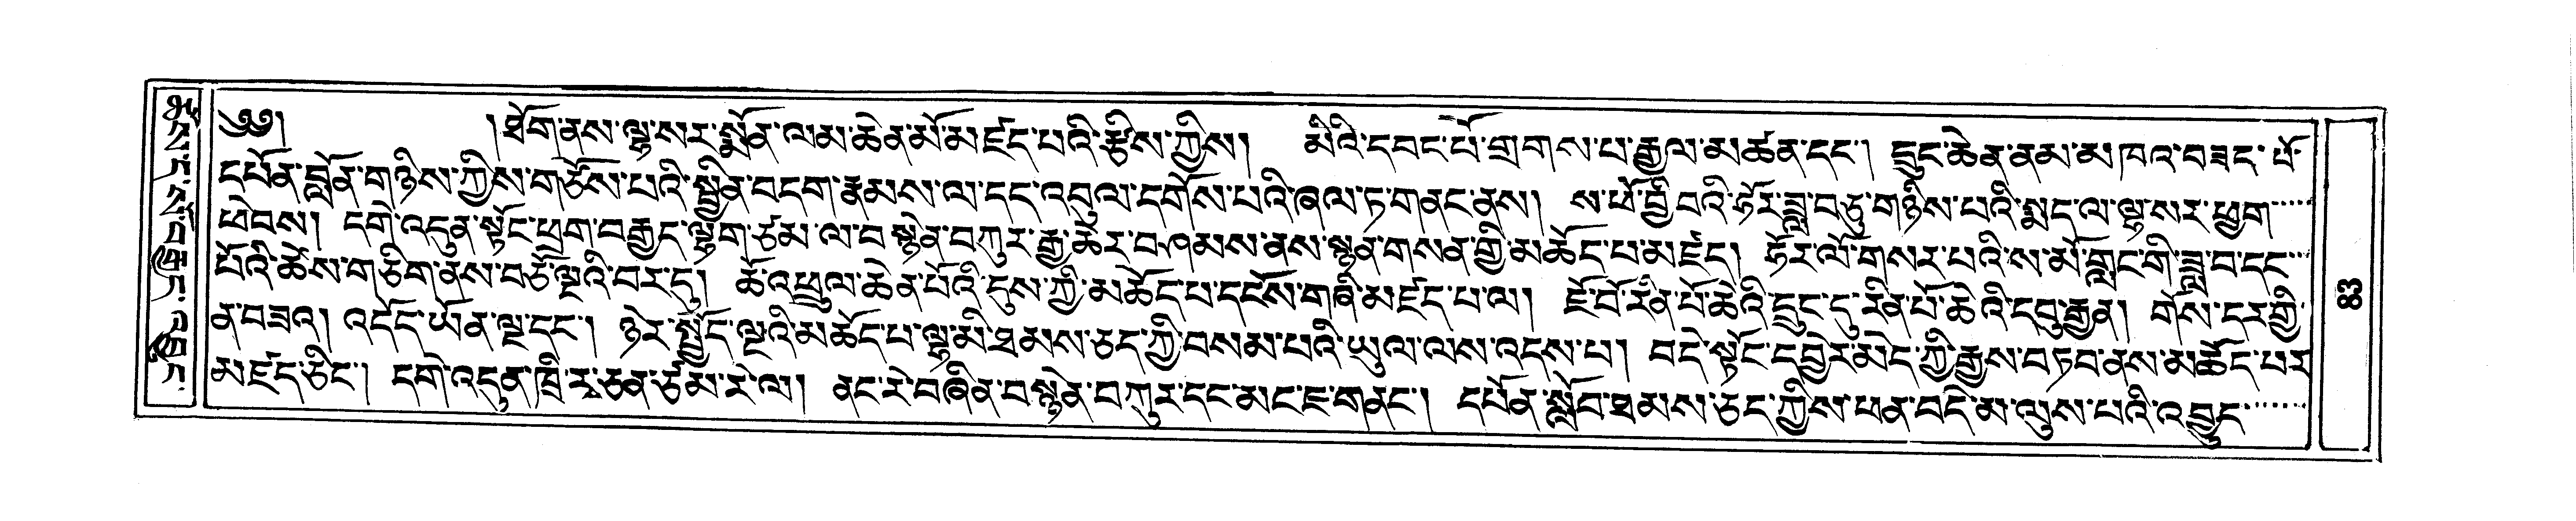༄༅། །ཐོག་ནས་ལྷ་སར་སྨོན་ལམ་ཆེན་མོ་མཛད་པའི་རྩིས་ཀྱིས། མིའི་དབང་པོ་གྲགས་པ་རྒྱལ་མཚན་དང་། དྲུང་ཆེན་ནམ་མཁའ་བཟང་པོ་
དཔོན་བློན་གཉིས་ཀྱིས་གཙོས་པའི་སྦྱིན་བདག་རྣམས་ལ་དད་འབུལ་དགོས་པའི་ཞལ་ཏ་གནང་ནས། ས་ཕོ་བྱི་བའི་ཧོར་ཟླ་བཅུ་གཉིས་པའི་སྨད་ལ་ལྷ་སར་ཕྱག་
ཕེབས། དགེ་འདུན་སྟོང་ཕྲག་བརྒྱད་ལྷག་ཙམ་ལ་བསྙེན་བཀུར་རྒྱ་ཆེར་བཤམས་ནས་སྙན་གསན་གྱི་མཆོད་པ་མཛད། ཧོར་ལོ་གསར་པའི་ས་མོ་གླང་གི་ཟླ་བ་དང་
པོའི་ཚེས་གཅིག་ནས་བཅོ་ལྔའི་བར་དུ། ཆོ་འཕྲུལ་ཆེན་པོའི་དུས་ཀྱི་མཆོད་པ་དངོས་གཞི་མཛད་པ་ལ། ཇོ་བོ་རིན་པོ་ཆེའི་དྲུང་དུ་རིན་པོ་ཆེའི་དབུ་རྒྱན། གོས་དར་གྱི་
ན་བཟའ། འདོད་ཡོན་ལྔ་དང་། ཉེར་སྤྱོད་ལྔའི་མཆོད་པ་ལྷ་མི་ཐམས་ཅད་ཀྱི་བསམ་པའི་ཡུལ་ལས་འདས་པ། བདེ་སྟོང་དབྱེར་མེད་ཀྱི་རྒྱས་བཏབ་ནས་མཆོད་པར་
མཛད་ཅིང་། དགེ་འདུན་ཁྲི་རྭ་ཅན་ཙམ་ར་ལ། ནང་རེ་བཞིན་བསྙེན་བཀུར་དང་མང་ཇ་གནང་། དཔོན་སློབ་ཐམས་ཅད་ཀྱིས་ཕན་བདེ་མ་ལུས་པའི་འབྱུང་